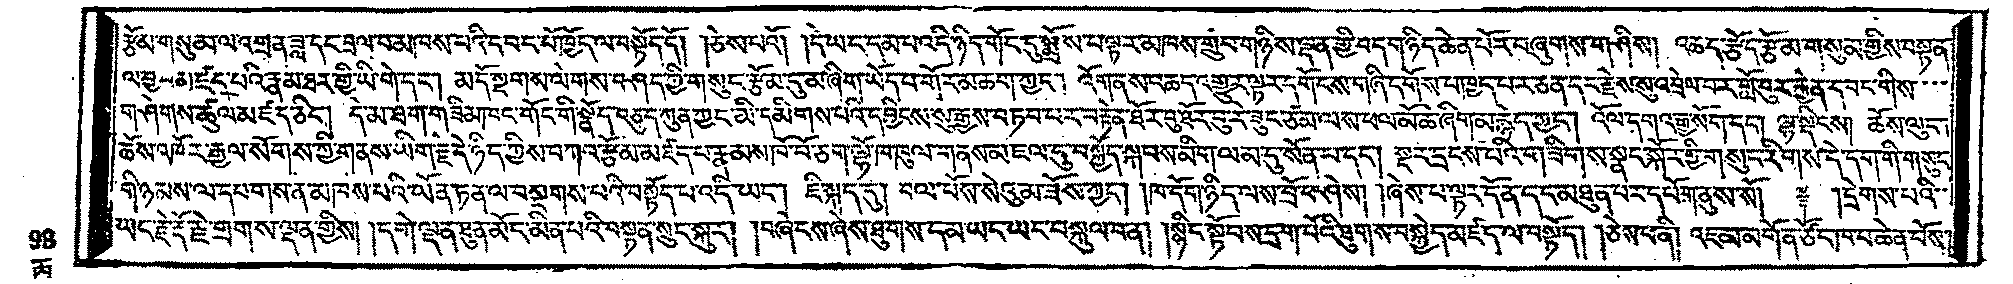རྩོམ་གསུམ་ལ་འགྲན་ཟླ་དང་བྲལ་བ་མཁས་པའི་དབང་པོ་ཁྱོད་ལ་བསྟོད་དོ། །ཅེས་པའོ། །དེ་ཡང་དམ་པ་འདི་ཉིད་གོང་དུ་སྨྲོས་པ་ལྟར་མཁས་གྲུབ་གཉིས་ལྡན་གྱི་བདག་ཉིད་ཆེན་པོར་བཞུགས་གཤིས། འཆད་རྩོད་རྩོམ་གསུམ་གྱིས་བསྟན་
ལ་བྱ་བ་མཛད་པའི་རྣམ་ཐར་གྱི་ཡི་གེ་དང་། མདོ་སྔགས་ལེགས་བཤད་ཀྱི་གསུང་རྩོམ་དུ་མ་ཞིག་ཡོད་པ་གོར་མ་ཆག་ཀྱང་། འོག་ནས་འཆད་འགྱུར་ལྟར་དགོངས་གཞི་དགོས་པ་ཁྱད་པར་ཅན་དང་རྗེས་སུ་འབྲེལ་བར་གློ་བུར་རྐྱེན་དབང་གིས་
གཤེགས་ཚུལ་མཛད་ཅིང་། དེ་མ་ཐག་གཟིམ་ཁང་གོང་གི་སྣོད་བཅུད་ཀུན་ཀྱང་མི་དམིགས་པའི་དབྱིངས་སུ་རྒྱས་བཏབ་པར་བརྟེན་ཐོར་བུ་ཐོར་བུ་རེ་ཟུང་ཙམ་ལས་ཕལ་མོ་ཆེ་ཞིག་མ་རྙེད་ཀྱང་། འོལ་དགའ་རྒྱ་སོག་དང་། ལྷ་སྡིངས། ཆོས་ལུང་།
ཆོས་འཁོར་རྒྱལ་སོགས་ཀྱི་གནས་ཡིག་རྗེ་དེ་ཉིད་ཀྱིས་བཀའ་རྩོམ་མཛད་པ་རྣམས་ཁོ་བོ་ཅག་ལྷོ་ཁ་ཁུལ་གནས་མཇལ་དུ་བསྐྱོད་སྐབས་མིག་ལམ་དུ་སོན་པ་དང་། སྔར་དྲངས་པའི་གཟིགས་སྣང་སྐོར་གྱི་གསུང་རིགས་དེ་དག་གི་གསུང་
གི་ཉམས་ལ་དཔགས་ན་མཁས་པའི་ཡོན་ཏན་ལ་བསྔགས་པའི་བསྟོད་པ་འདི་ཡང་། ཇི་སྐད་དུ། བལ་པོས་སེའུ་མ་ཟོས་ཀྱང་། །ཁ་དོག་ཉིད་ལས་བྲོ་བ་ཤེས། །ཞེས་པ་ལྟར་དོན་དང་མཐུན་པར་དཔོག་ནུས་སོ། ༈ །དྲེགས་པའི་
ཡང་རྗེ་རྡོ་རྗེ་གྲགས་ལྡན་གྱིས། །དགེ་ལྡན་ཐུན་མོང་མིན་པའི་བསྟན་སྲུང་སྐུར། །བཞེངས་ཞེས་ཐུགས་དམ་ཡང་ཡང་བསྐུལ་བ་ན། །སྙིང་སྟོབས་དྲག་པོའི་ཐུགས་བསྐྱེད་མཛད་ལ་བསྟོད། །ཅེས་པ་ནི། འཇམ་མགོན་ཙོང་ཁ་པ་ཆེན་པོས།